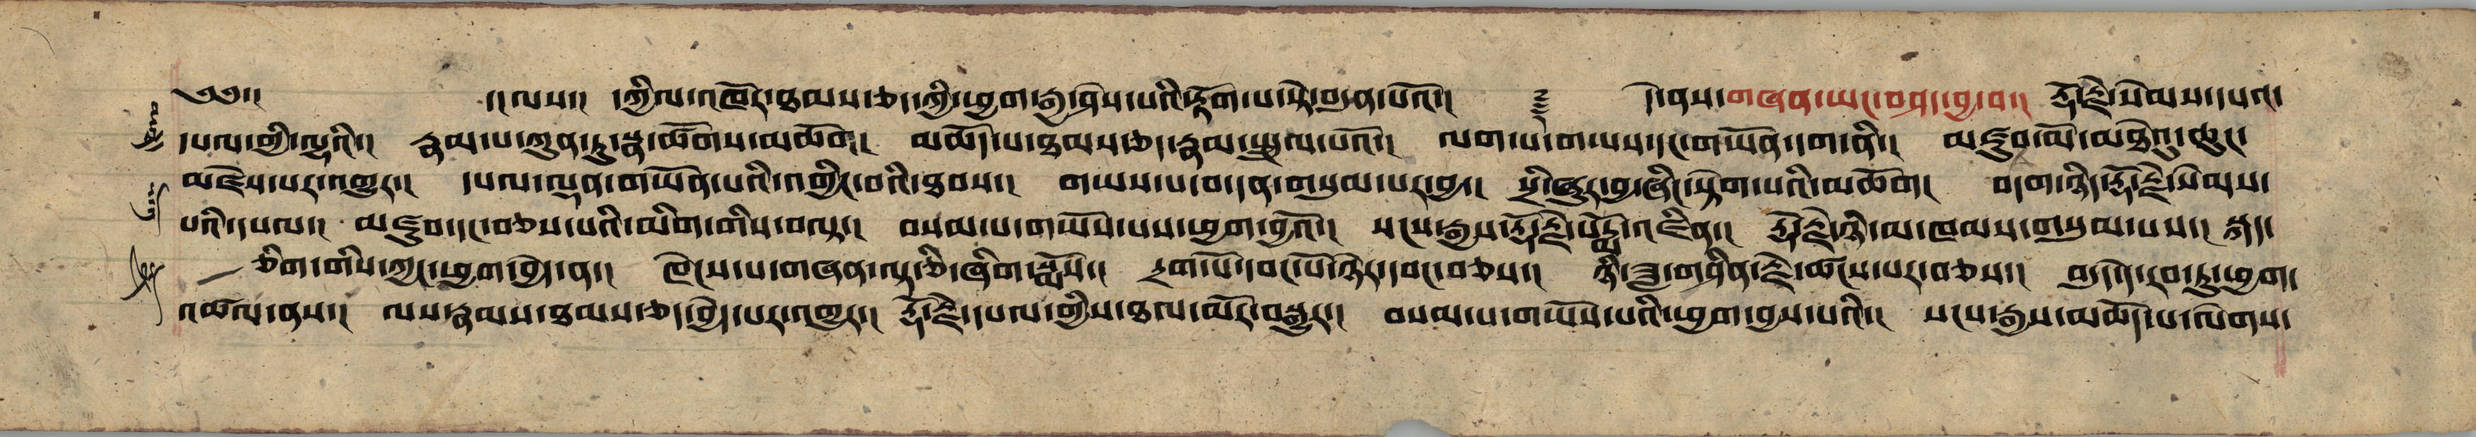༄༅་། ་།ལས་། དཀྱིལ་འཁོར་ཐམས་ཅད་ཀྱི་ཕྱག་རྒྱ་ཤེས་པའི་རྟོག་པ་སྟེ་བདུན་པའོ་། ࿑ དེ་ནས་གཞན་ཡང་བཤད་བྱ་བ་། རྡོ་རྗེ་སེམས་དཔའ་
དཔལ་གྱི་ལྷའི་། རྣམ་པ་ཀུན་ཏུ་སྣ་ཚོགས་མཆོག། མཆོད་པ་ཐམས་ཅད་རྣམ་སྤྲུལ་པའོ་། ལག་པ་གཡས་དང་གཡོན་དག་ནི་། མཛུབ་མོ་མཐེའུ་ཆུང་
མཛེས་པར་འགྱུར་། དཔལ་ལྡན་གཡོན་པའི་འགྱིང་བའི་ཐབས་། གཡས་པ་བ་དན་གསུམ་པར་བྱ་། སྲི་ཞུར་བྱ་ཞིང་སྟེག་པའི་མཆོག། བདག་ཉིད་རྡོ་རྗེ་སེམས་
པའི་དཔལ་། མཛུབ་དང་བཅས་པའི་མིག་གིས་བལྟ་། བསམ་པ་གཡོས་པས་ཕྱག་བྱའོ་། སངས་རྒྱས་རྡོ་རྗེ་པདྨོ་འཛིན་། རྡོ་རྗེ་ཉི་མ་ཁམས་གསུམ་པས་། སྐད་
ཅིག་གིས་ཀྱང་ཕྱག་བྱེད་ན་། ཁེངས་པ་གཞན་ལྟ་ཅི་ཞིག་སྨོས་། དྲག་པོ་དབང་པོ་ཉེར་དབང་བཅས་། ཉི་ཟླ་གཤིན་རྗེ་ཚངས་པར་བཅས་། བདུད་དེ་རབ་ཏུ་ཕྱག་
འཚལ་ནས་། ལས་རྣམས་ཐམས་ཅད་བྱེད་པར་འགྱུར་། རྡོ་རྗེ་དཔལ་གྱིས་ཐལ་མོར་བསྒྱུར་། བསམ་པ་གཡོས་པའི་ཕྱག་བྱས་པའི་། སངས་རྒྱས་མཆོད་པ་ལེགས་